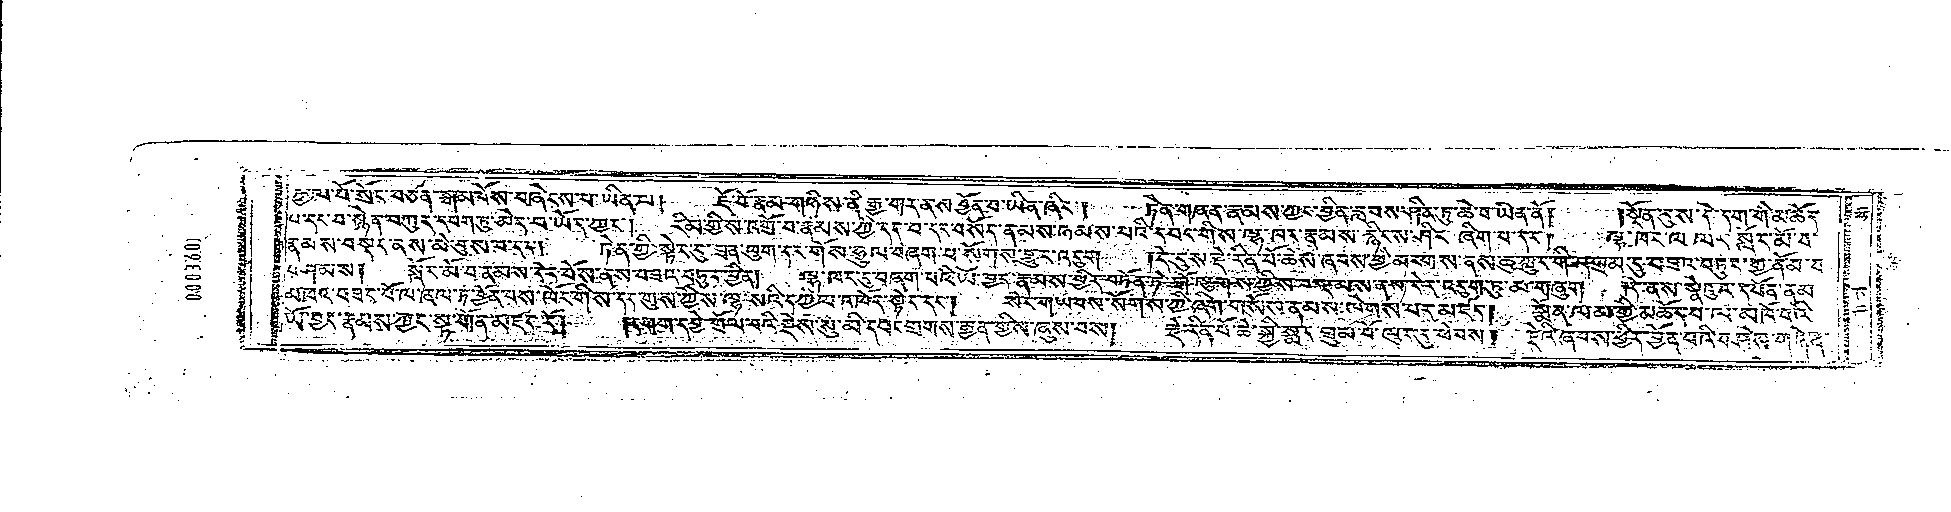རྒྱལ་པོ་སྲོང་བཙན་སྒམ་པོས་བཞེངས་པ་ཡིན་ལ། ཇོ་བོ་རྣམ་གཉིས་ནི་རྒྱ་གར་ནས་བྱོན་བ་ཡིན་ཞིང་། ཏེན་གཞན་རྣམས་ཀྱང་བྱིན་རླབས་ཤིན་ཏུ་ཆེ་བ་ཡིན་ནོ། །སྔོན་དུས་དེ་དག་གི་མཆོད་
པ་དང་བ་སྙེན་བཀུར་དཔག་ཏུ་མེད་པ་ཡོད་ཀྱང་། རིམ་གྱིས་འགྲོ་བ་རྣམས་ཀྱི་དད་པ་དང་བསོད་ནམས་ཉམས་པའི་དབང་གིས་ལྷ་ཁང་རྣམས་རྙིངས་ཤིང་ཞིག་པ་དང་། ལྷ་ཁང་ལ་ལར་སློང་མོ་བ་
རྣམས་བསྡད་ནས་མེ་བུས་པ་དང་། ཏེན་གྱི་སྟེང་དུ་བྲན་ཁུག་དང་གོས་ཧྲུལ་བཞག་པ་སོགས་བྱུང་འདུག །དེ་དུས་རྗེ་རིན་པོ་ཆེས་ཞབས་ཕྱི་མངགས་ནས་ཆུ་ཀླུང་གི་འགྲམ་དུ་བཟའ་བཏུང་གྱ་ནོམ་པ་
བཤམས། སློང་མོ་བ་རྣམས་དེར་བོས་ནས་བཟའ་བཏུང་བྱིན། ལྷ་ཁང་དུ་བཞག་པའི་ཡོ་བྱད་རྣམས་ཕྱིར་བཏོན་ཏེ་སྒོ་ལྕགས་ཀྱིས་བསྡམས་ནས་དེར་འདུག་ཏུ་མ་གཞུག །དེ་ནས་སྣེའུཨཱྀ་དཔོན་ནམ་
མཁའ་བཟང་པོ་ལ་ཞལ་ཏ་བྱོན་པས་ཁོང་གིས་དད་གུས་ཀྱིས་ལྷ་རྶའི་དཀྱིལ་འཁོར་སྟེང་དང་། སེང་གཡབ་ས་སོགས་ཀྱི་ཞིག་གསོས་ནམས་ལེགས་པར་མཛད། སྨོན་ལམ་གྱི་མཆོད་པ་ལ་མཁོ་བའི་
ཡོ་བྱད་རྣམས་ཀྱང་སྟ་གོན་མཛད་དོ། །དགག་དབྱེ་གྲོལ་བའི་རྗེས་སུ་མི་དབང་གྲགས་རྒྱན་གྱིས་ཞུས་པས། རྗེ་རིན་པོ་ཆེ་སྐྱི་སྨད་གྲུམ་པོ་ལུང་དུ་ཕེབས། ཇེའི་ཞབས་ཕྱིར་བྱོན་པའི་བཤེས་གཉེན་